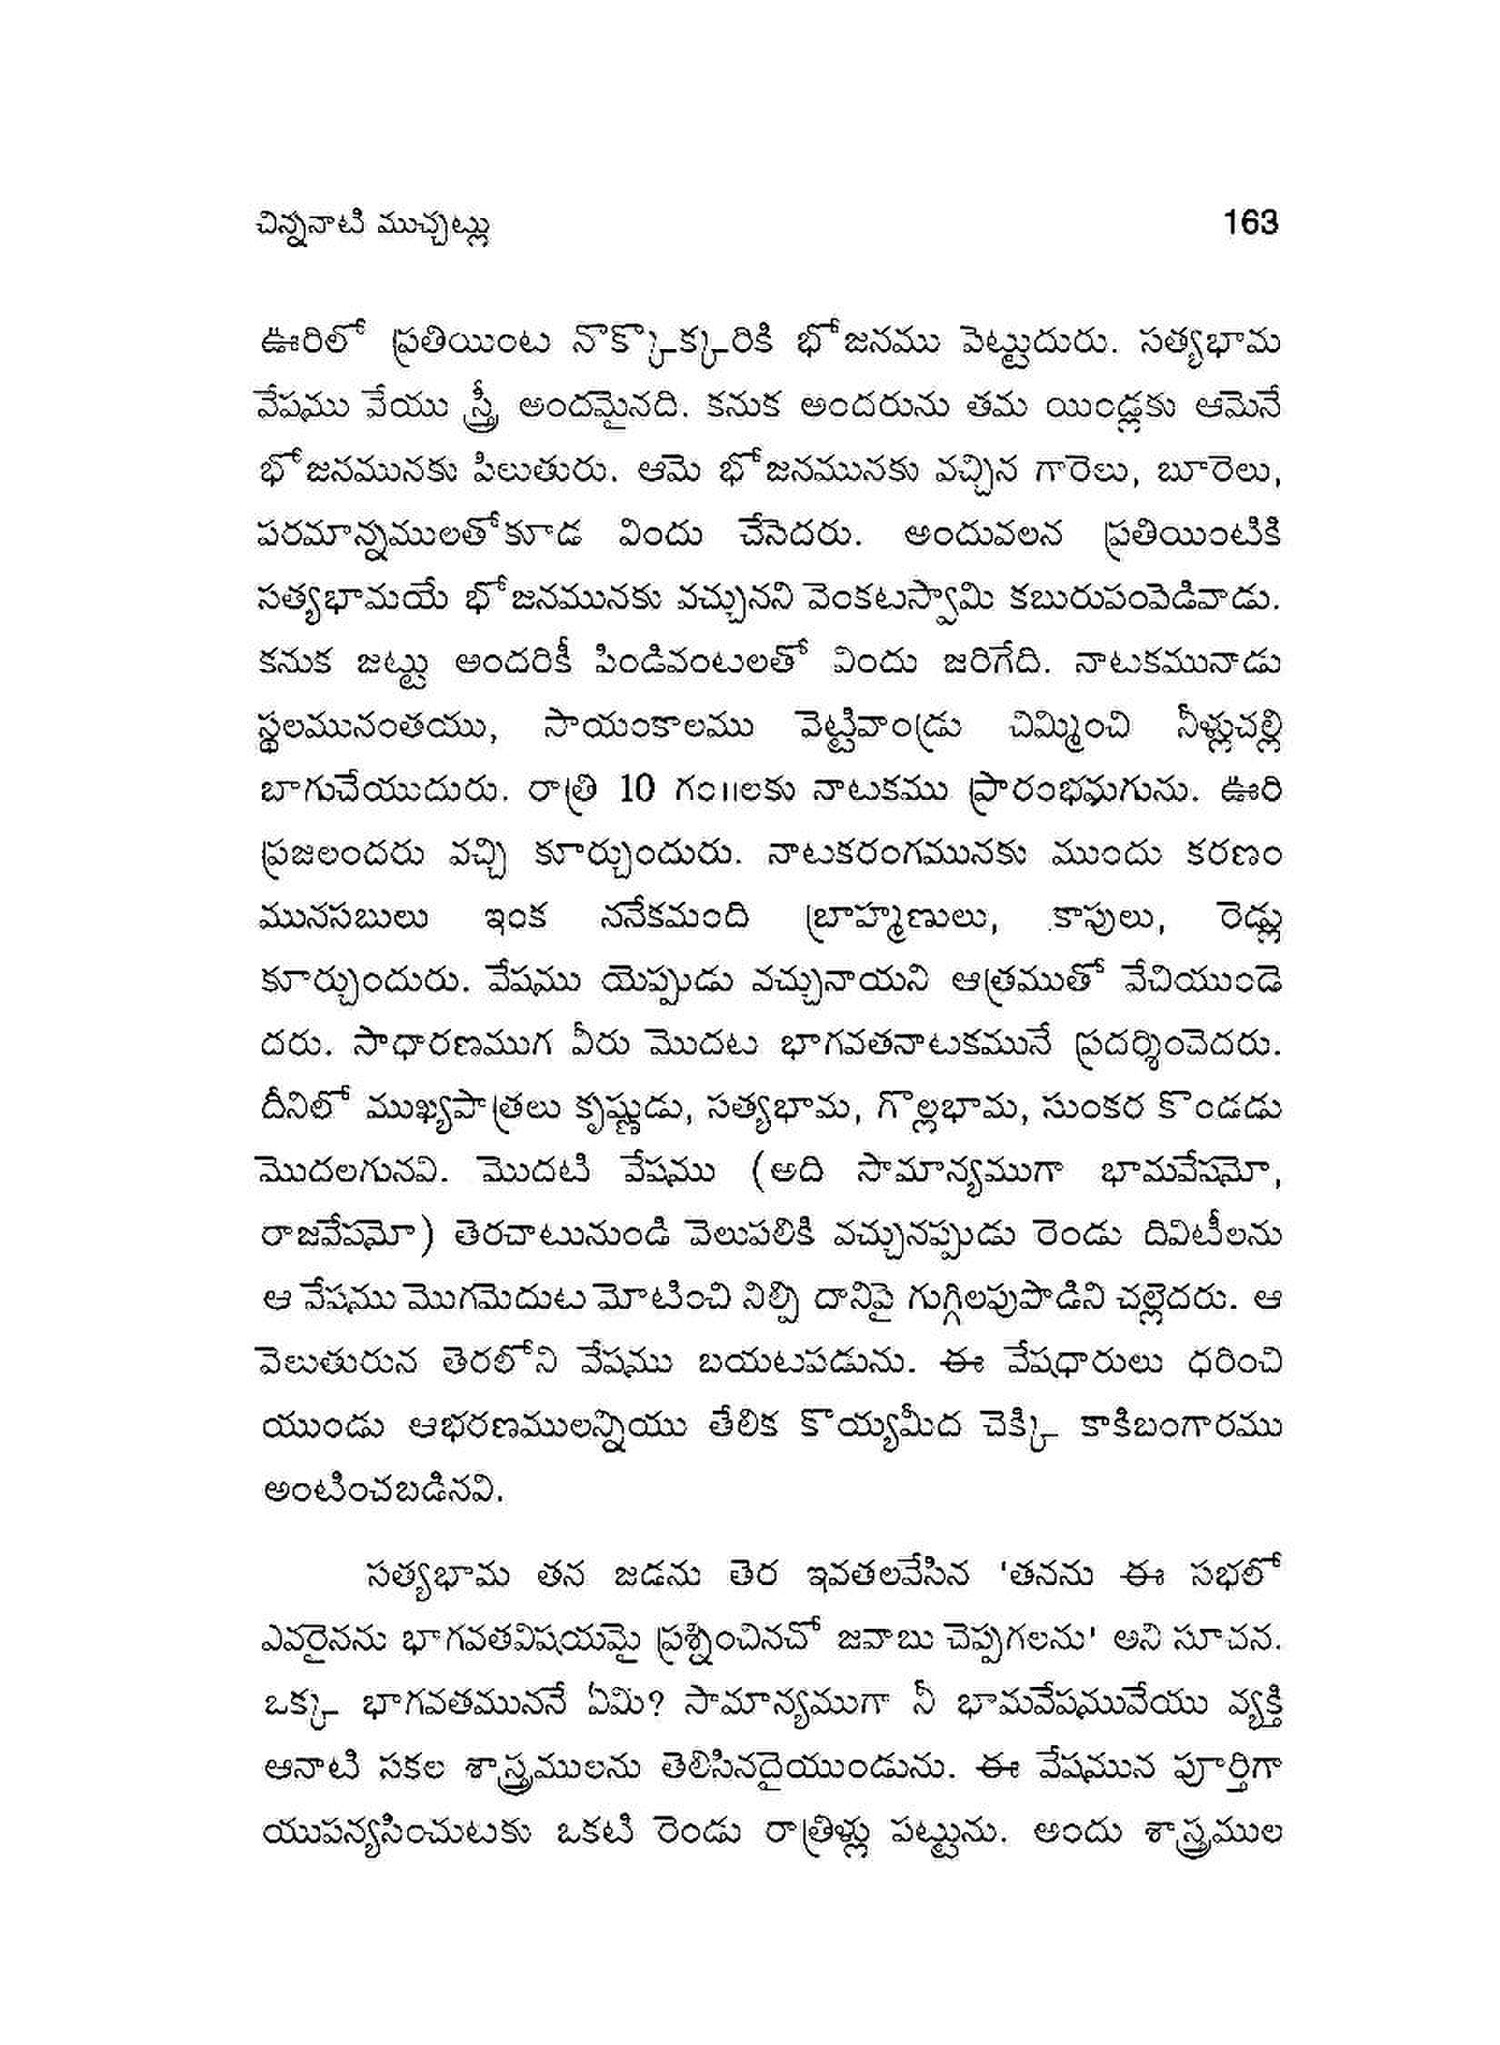ఊరిలో ప్రతియింట నొక్కొక్కరికి భోజనము పెట్టదురు. సత్యభామ వేషము వేయు స్త్రీ అందమైనది. కనుక అందరును తమ యిండ్లకు ఆమెనే భోజనమునకు పిలుతురు. ఆమె భోజనమునకు వచ్చిన గారెలు, బూరెలు, పరమాన్నములతో కూడ విందు చేసెదరు. అందువలన ప్రతియింటికి సత్యభామయే భోజనమునకు వచ్చునని వెంకటస్వామి కబురుపంపెడివాడు. కనుక జట్టు అందరికీ పిండివంటలతో విందు జరిగేది. నాటకమునాడు స్థలమునంతయు, సాయంకాలము వెట్టివాండ్రు చిమ్మించి నీళ్లుచల్లి బాగుచేయుదురు. రాత్రి 10 గం||లకు నాటకము ప్రారంభమగును. ఊరి ప్రజలందరు వచ్చి కూర్చుందురు. నాటకరంగమునకు ముందు కరణం మునసబులు ఇంక ననేకమంది బ్రాహ్మణులు, కాపులు, రెడ్డు కూర్చుందురు. వేషము యెప్పుడు వచ్చునాయని ఆత్రముతో వేచియుండెదరు. సాధారణముగ వీరు మొదట భాగవతనాటకమునే ప్రదర్శించెదరు. దీనిలో ముఖ్యపాత్రలు కృష్ణుడు, సత్యభామ, గొల్లభామ, సుంకర కొండడు మొదలగునవి. మొదటి వేషము (అది సామాన్యముగా భామవేషమో, రాజవేషమో) తెరచాటునుండి వెలుపలికి వచ్చునప్పుడు రెండు దివిటీలను ఆ వేషము మొగమెదుట మోటించి నిల్చి దానిపై గుగ్గిలపుపొడిని చల్లెదరు. ఆ వెలుతురున తెరలోని వేషము బయటపడును. ఈ వేషధారులు ధరించి యుండు ఆభరణములన్నియు తేలిక కొయ్యమీద చెక్కి కాకిబంగారము అంటించబడినవి.

సత్యభామ తన జడను తెర ఇవతలవేసిన 'తనను ఈ సభలో ఎవరైనను భాగవతవిషయమై ప్రశ్నించినచో జవాబు చెప్పగలను' అని సూచన. ఒక్క భాగవతముననే ఏమి? సామాన్యముగా నీ భామవేషమువేయు వ్యక్తి ఆనాటి సకల శాస్త్రములను తెలిసినదైయుండును. ఈ వేషమున పూర్తిగా యుపన్యసించుటకు ఒకటి రెండు రాత్రిళ్లు పట్టును. అందు శాస్త్రముల